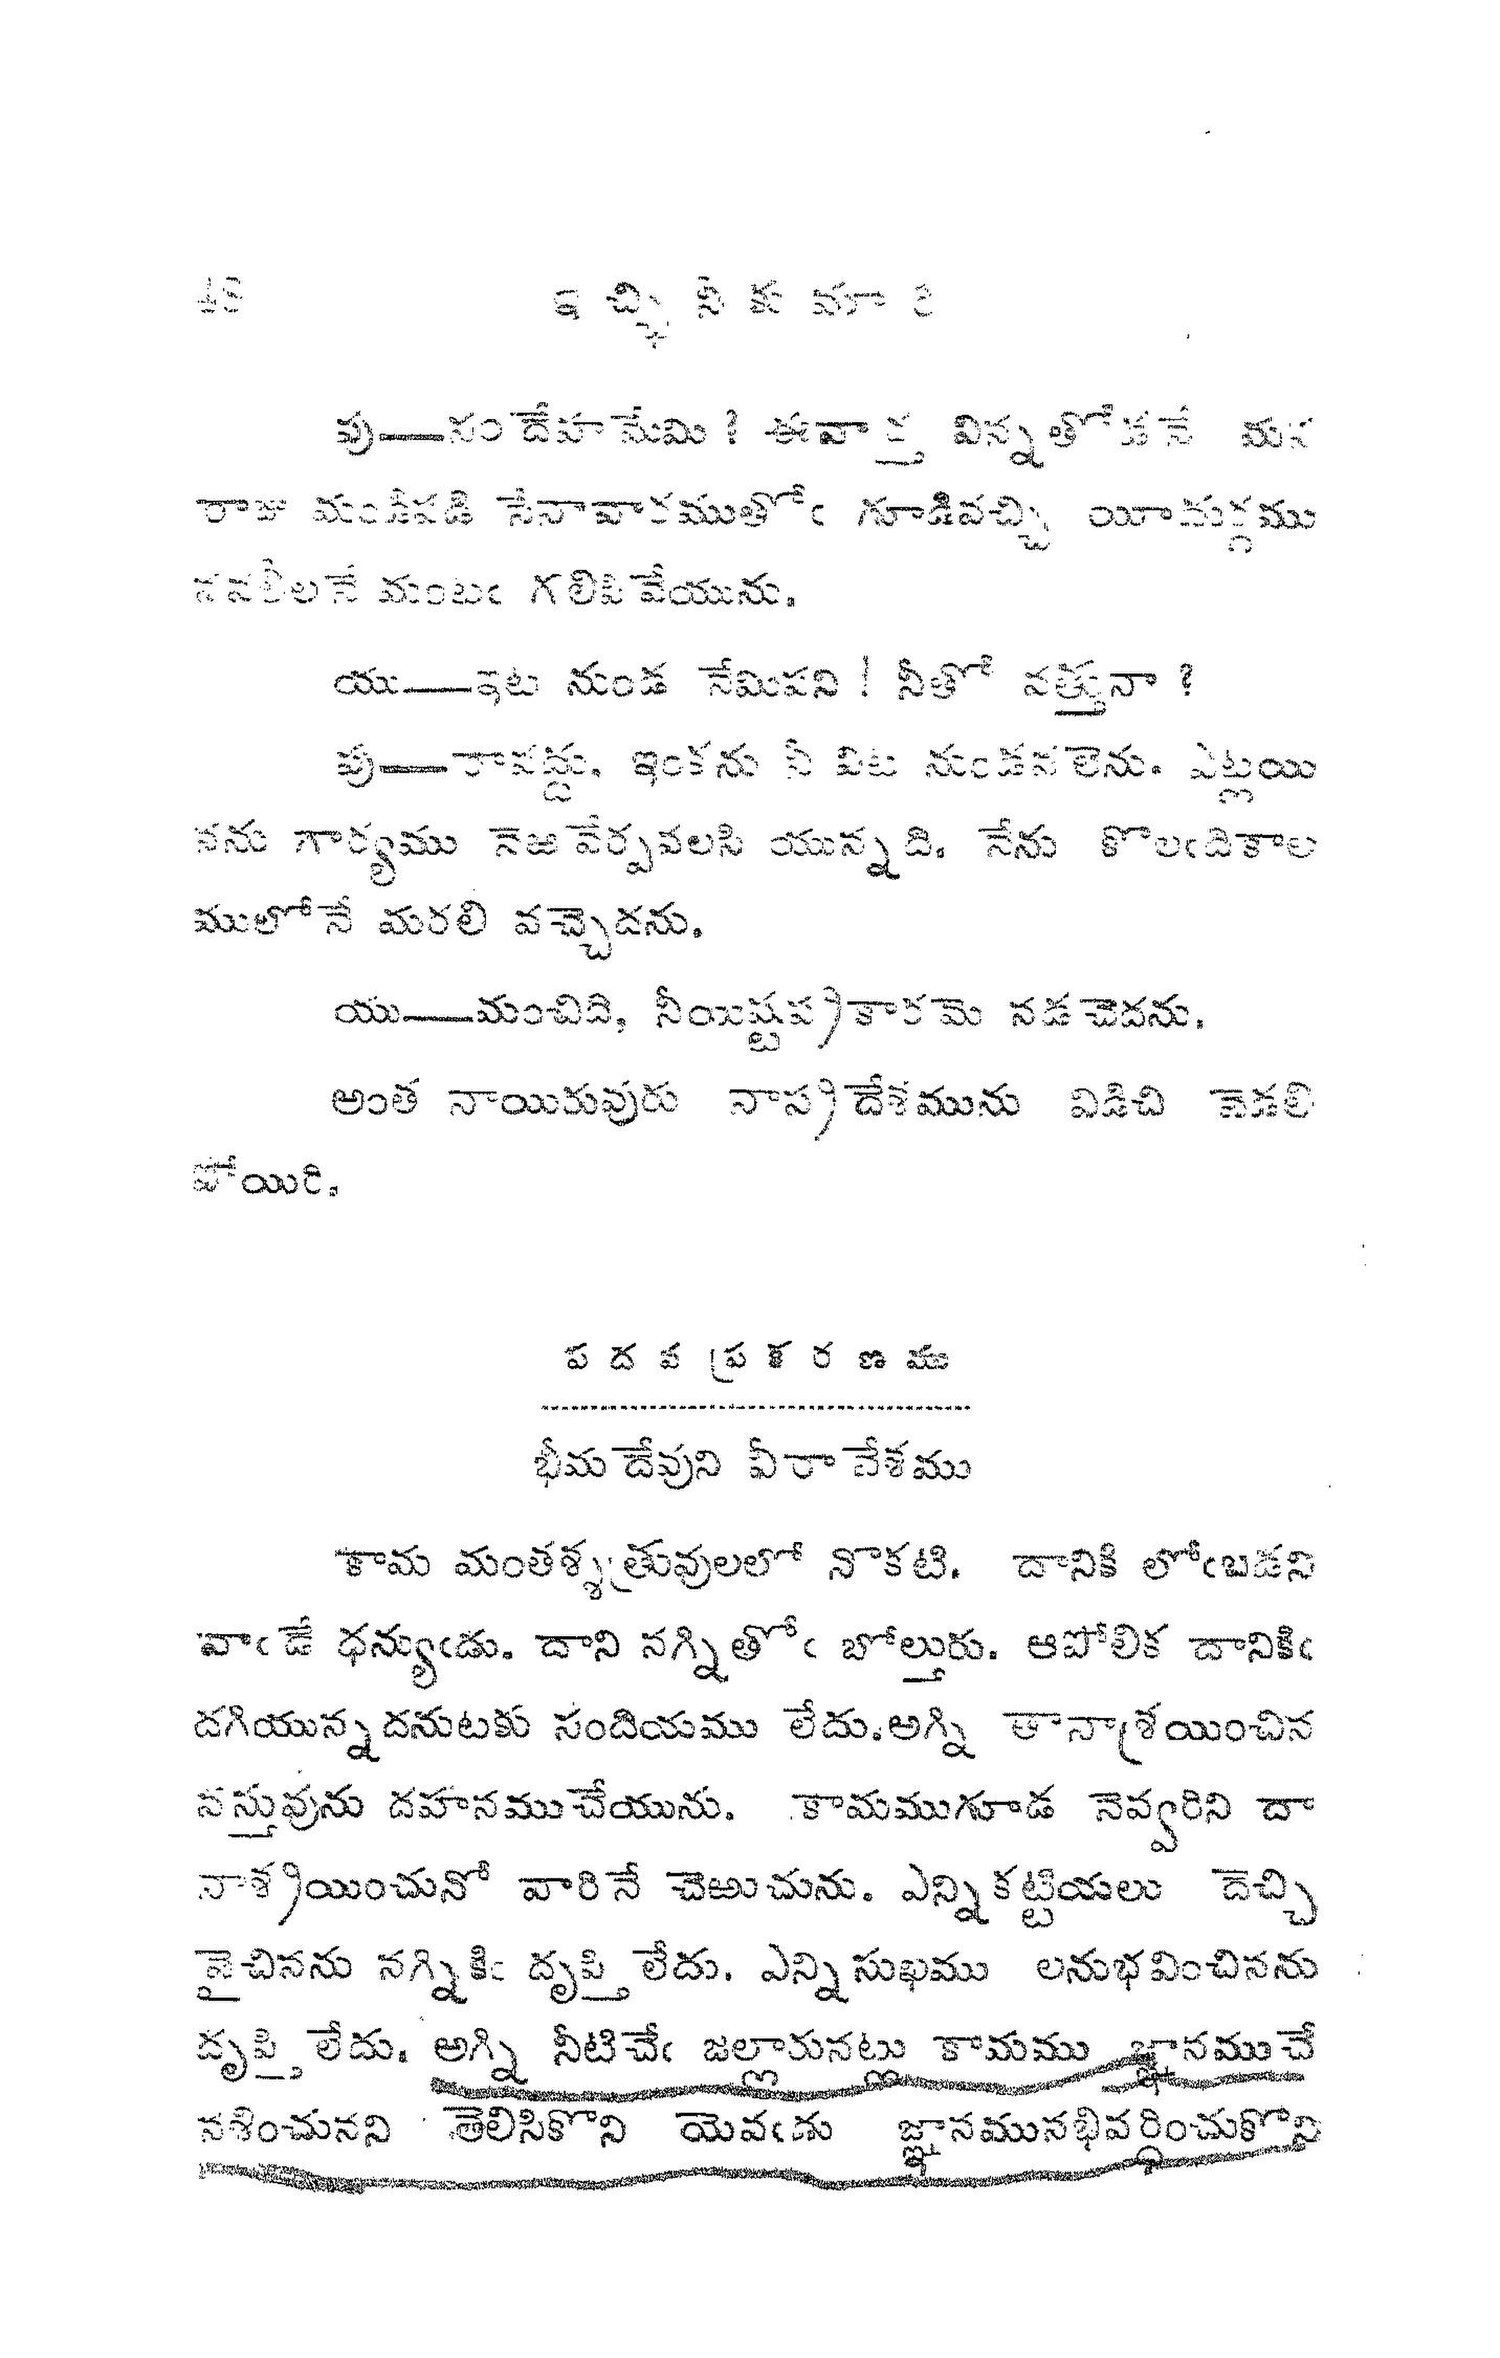నోట నుండ పు: -సందేహమేమి ? ఈవార్త విన్నతోడనే మన రాజ మండిపడి సేనావారముతో గూడివచ్చి యీదుర్గము నవలీనే మంట గలిసి వేయును,

యు: ఇట నుండ నేమి పని ! నీతో వత్తునా ?

పు: రావద్దు. ఇంకను నీవిట నుండ వ లెను. ఎట్లయి నను గార్యము నెరజ వేర్పవలసి యున్నది. నేను కొలఁదికాల మలో నే మరలి వచ్చెదను.

యు: .మంచిది. నీయిష్ట ప్రకారమే నడ చెదను,

అంత నాయికువురు నాప్రదేశమును విడిచి వెడలి పోయిరి,

కామ మంతశ్శత్రువులలో నొకటి. దానికి లోబడని 'వాఁడే ధన్యుఁడు. దాని నగ్నితోఁ బోల్తురు. ఆపోలిక దానికి దగియున్నదనుటకు సందియము లేదు. అగ్ని తానాశ్రయించిన వస్తువును దహనము చేయును. కామముగూడ నెవ్వరిని దా నాశ్రయించునో వారినే చెఱుచును. ఎన్ని కట్టియలు దెచ్చి వై చినను నగ్నికి దృప్తి లేదు. ఎన్ని సుఖము లనుభవించినను దృప్తి లేదు. అగ్ని నీటి చేఁ జల్లారునట్లు కామము జ్ఞానముచే సశించునని ' తెలిసికొని యెవఁడు జ్ఞానము నభివర్ణించుకొని